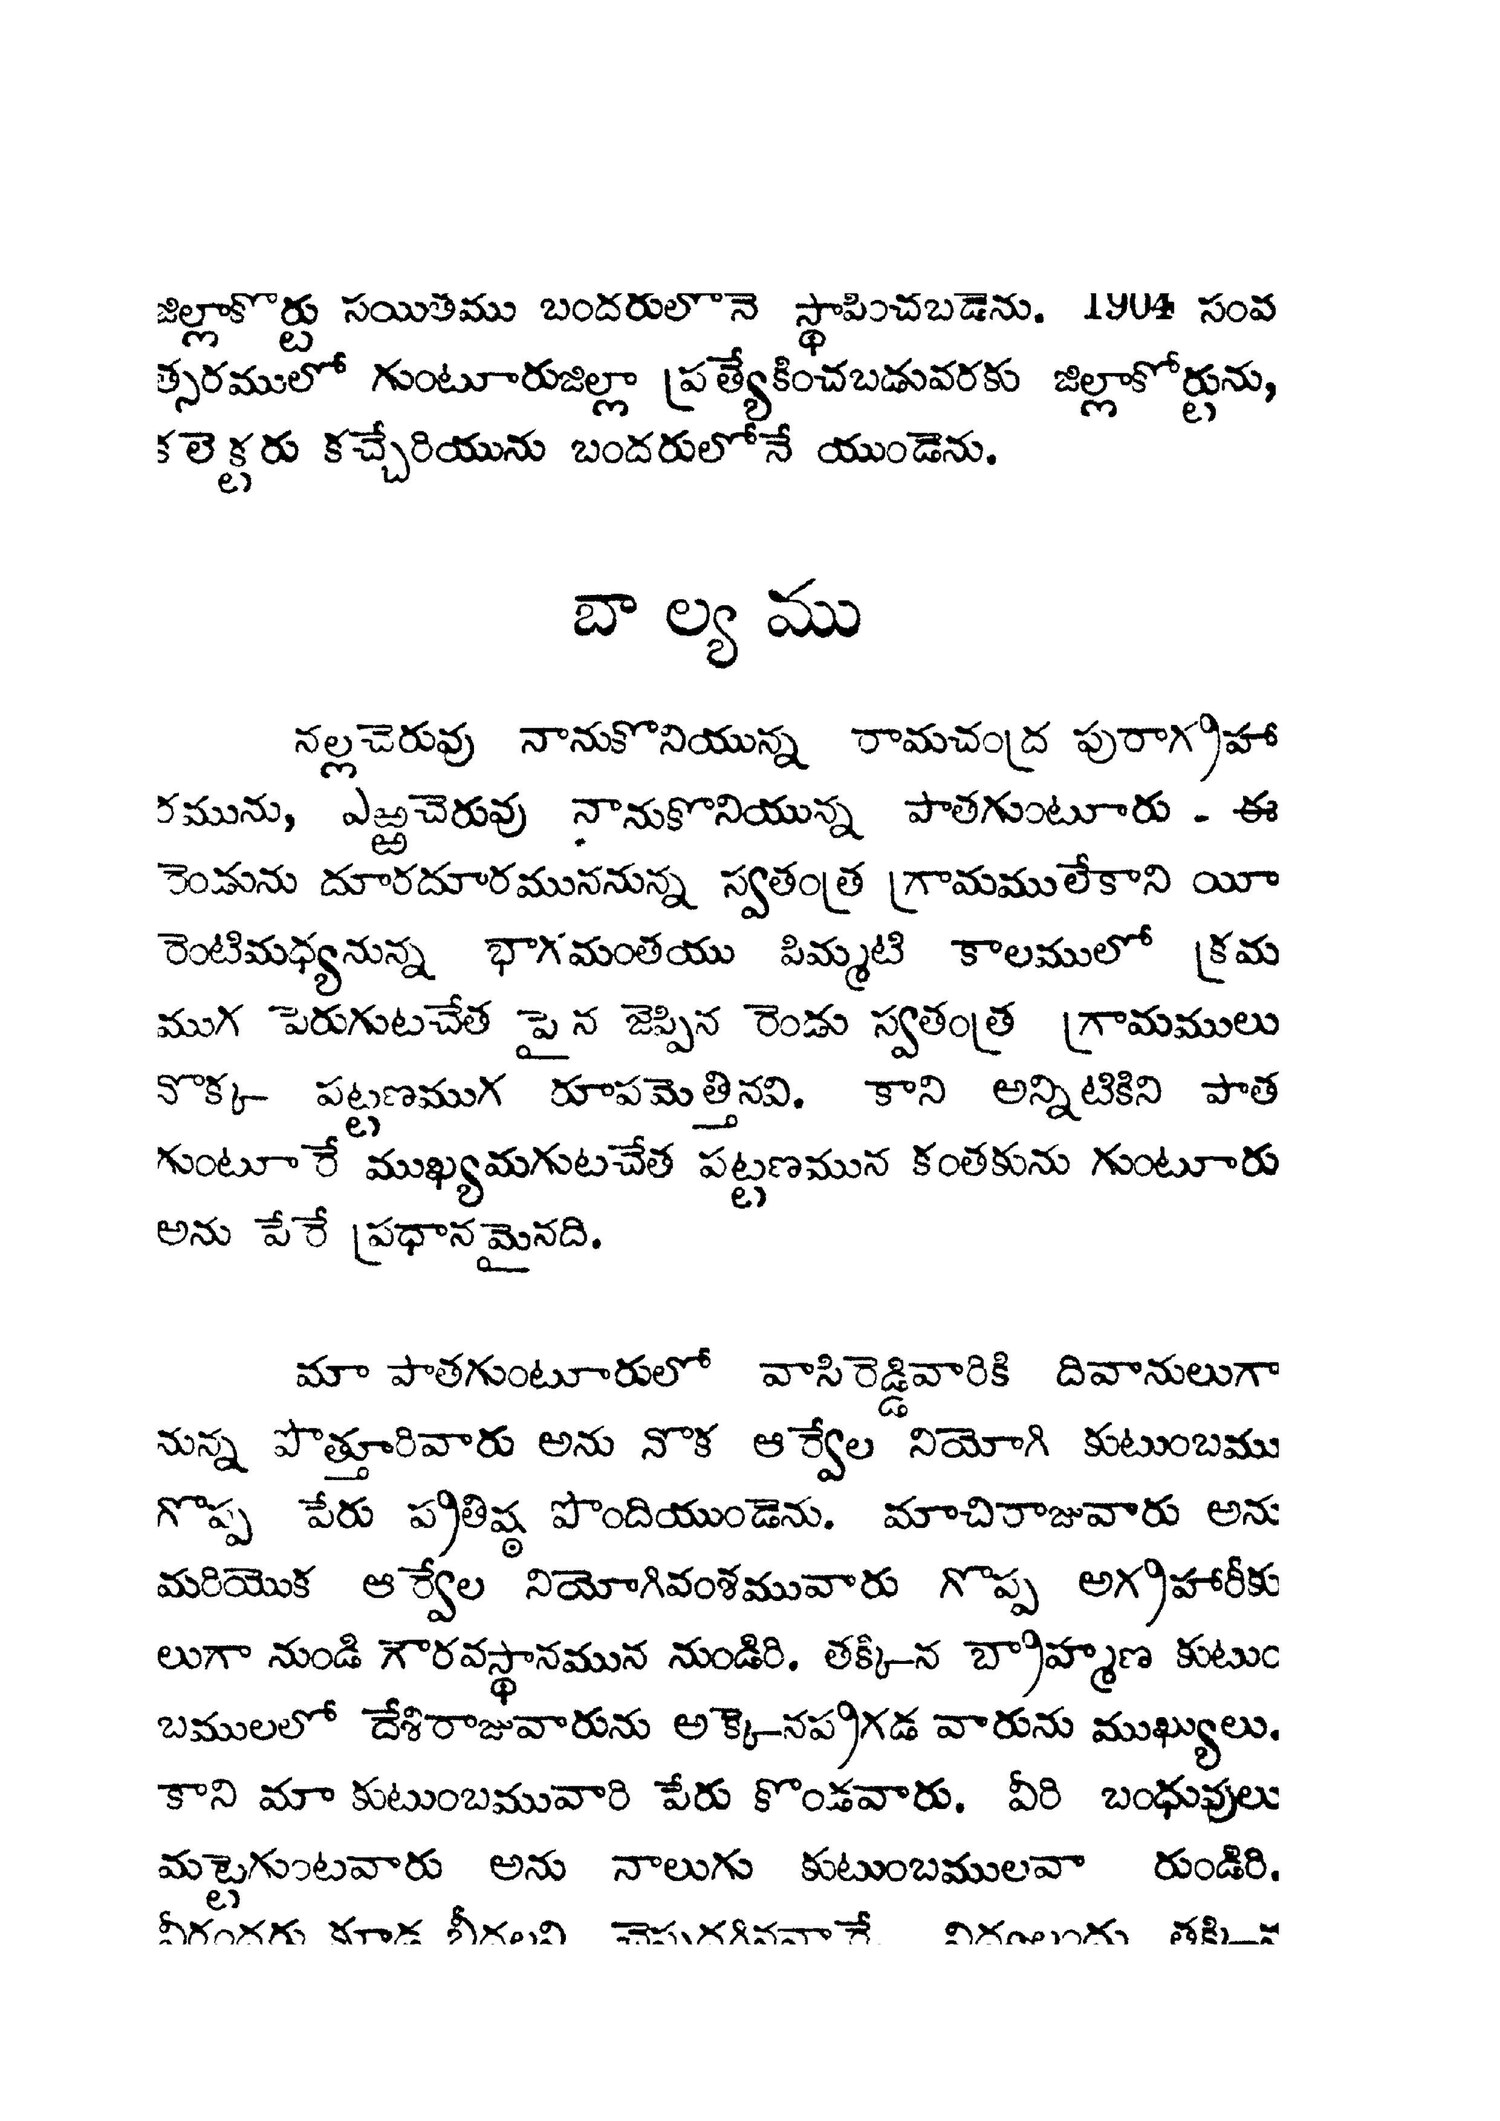జిల్లాకోర్టు సయితము బందరులోనె స్థాపించబడెను. 1904 సంవత్సరములో గుంటూరుజిల్లా ప్రత్యేకించబడువరకు జిల్లాకోర్టును, కలెక్టరు కచ్చేరియును బందరులోనే యుండెను.

నల్లచెరువు నానుకొనియున్న రామచంద్ర పురాగ్రహారమును, ఎఱ్ఱచెరువు నానుకొనియున్న పాతగుంటూరు - ఈ రెండును దూరదూరముననున్న స్వతంత్ర గ్రామములేకాని యీ రెంటిమధ్యనున్న భాగమంతయు పిమ్మటి కాలములో క్రమముగ పెరుగుటచేత పైన జెప్పిన రెండు స్వతంత్ర గ్రామములు నొక్క పట్టణముగ రూపమెత్తినవి. కాని అన్నిటికిని పాత గుంటూరే ముఖ్యమగుటచేత పట్టణమున కంతకును గుంటూరు అను పేరే ప్రధానమైనది.

మా పాతగుంటూరులో వాసిరెడ్డివారికి దివానులుగా నున్న పొత్తూరివారు అను నొక ఆర్వేల నియోగి కుటుంబము గొప్ప పేరు ప్రతిష్ఠ పొందియుండెను. మాచిరాజువారు అను మరియొక ఆర్వేల నియోగివంశమువారు గొప్ప అగ్రహారీకులుగా నుండి గౌరవస్థానమున నుండిరి. తక్కిన బ్రాహ్మణ కుటుంబములలో దేశిరాజువారును అక్కెనప్రగడ వారును ముఖ్యులు. కాని మా కుటుంబమువారి పేరు కొండవారు. వీరి బంధువులు మట్టెగుంటవారు అను నాలుగు కుటుంబములవా రుండిరి. వీరందరు కూడ బీదలని చెప్పదగినవారే విదంబందు తక్కిన